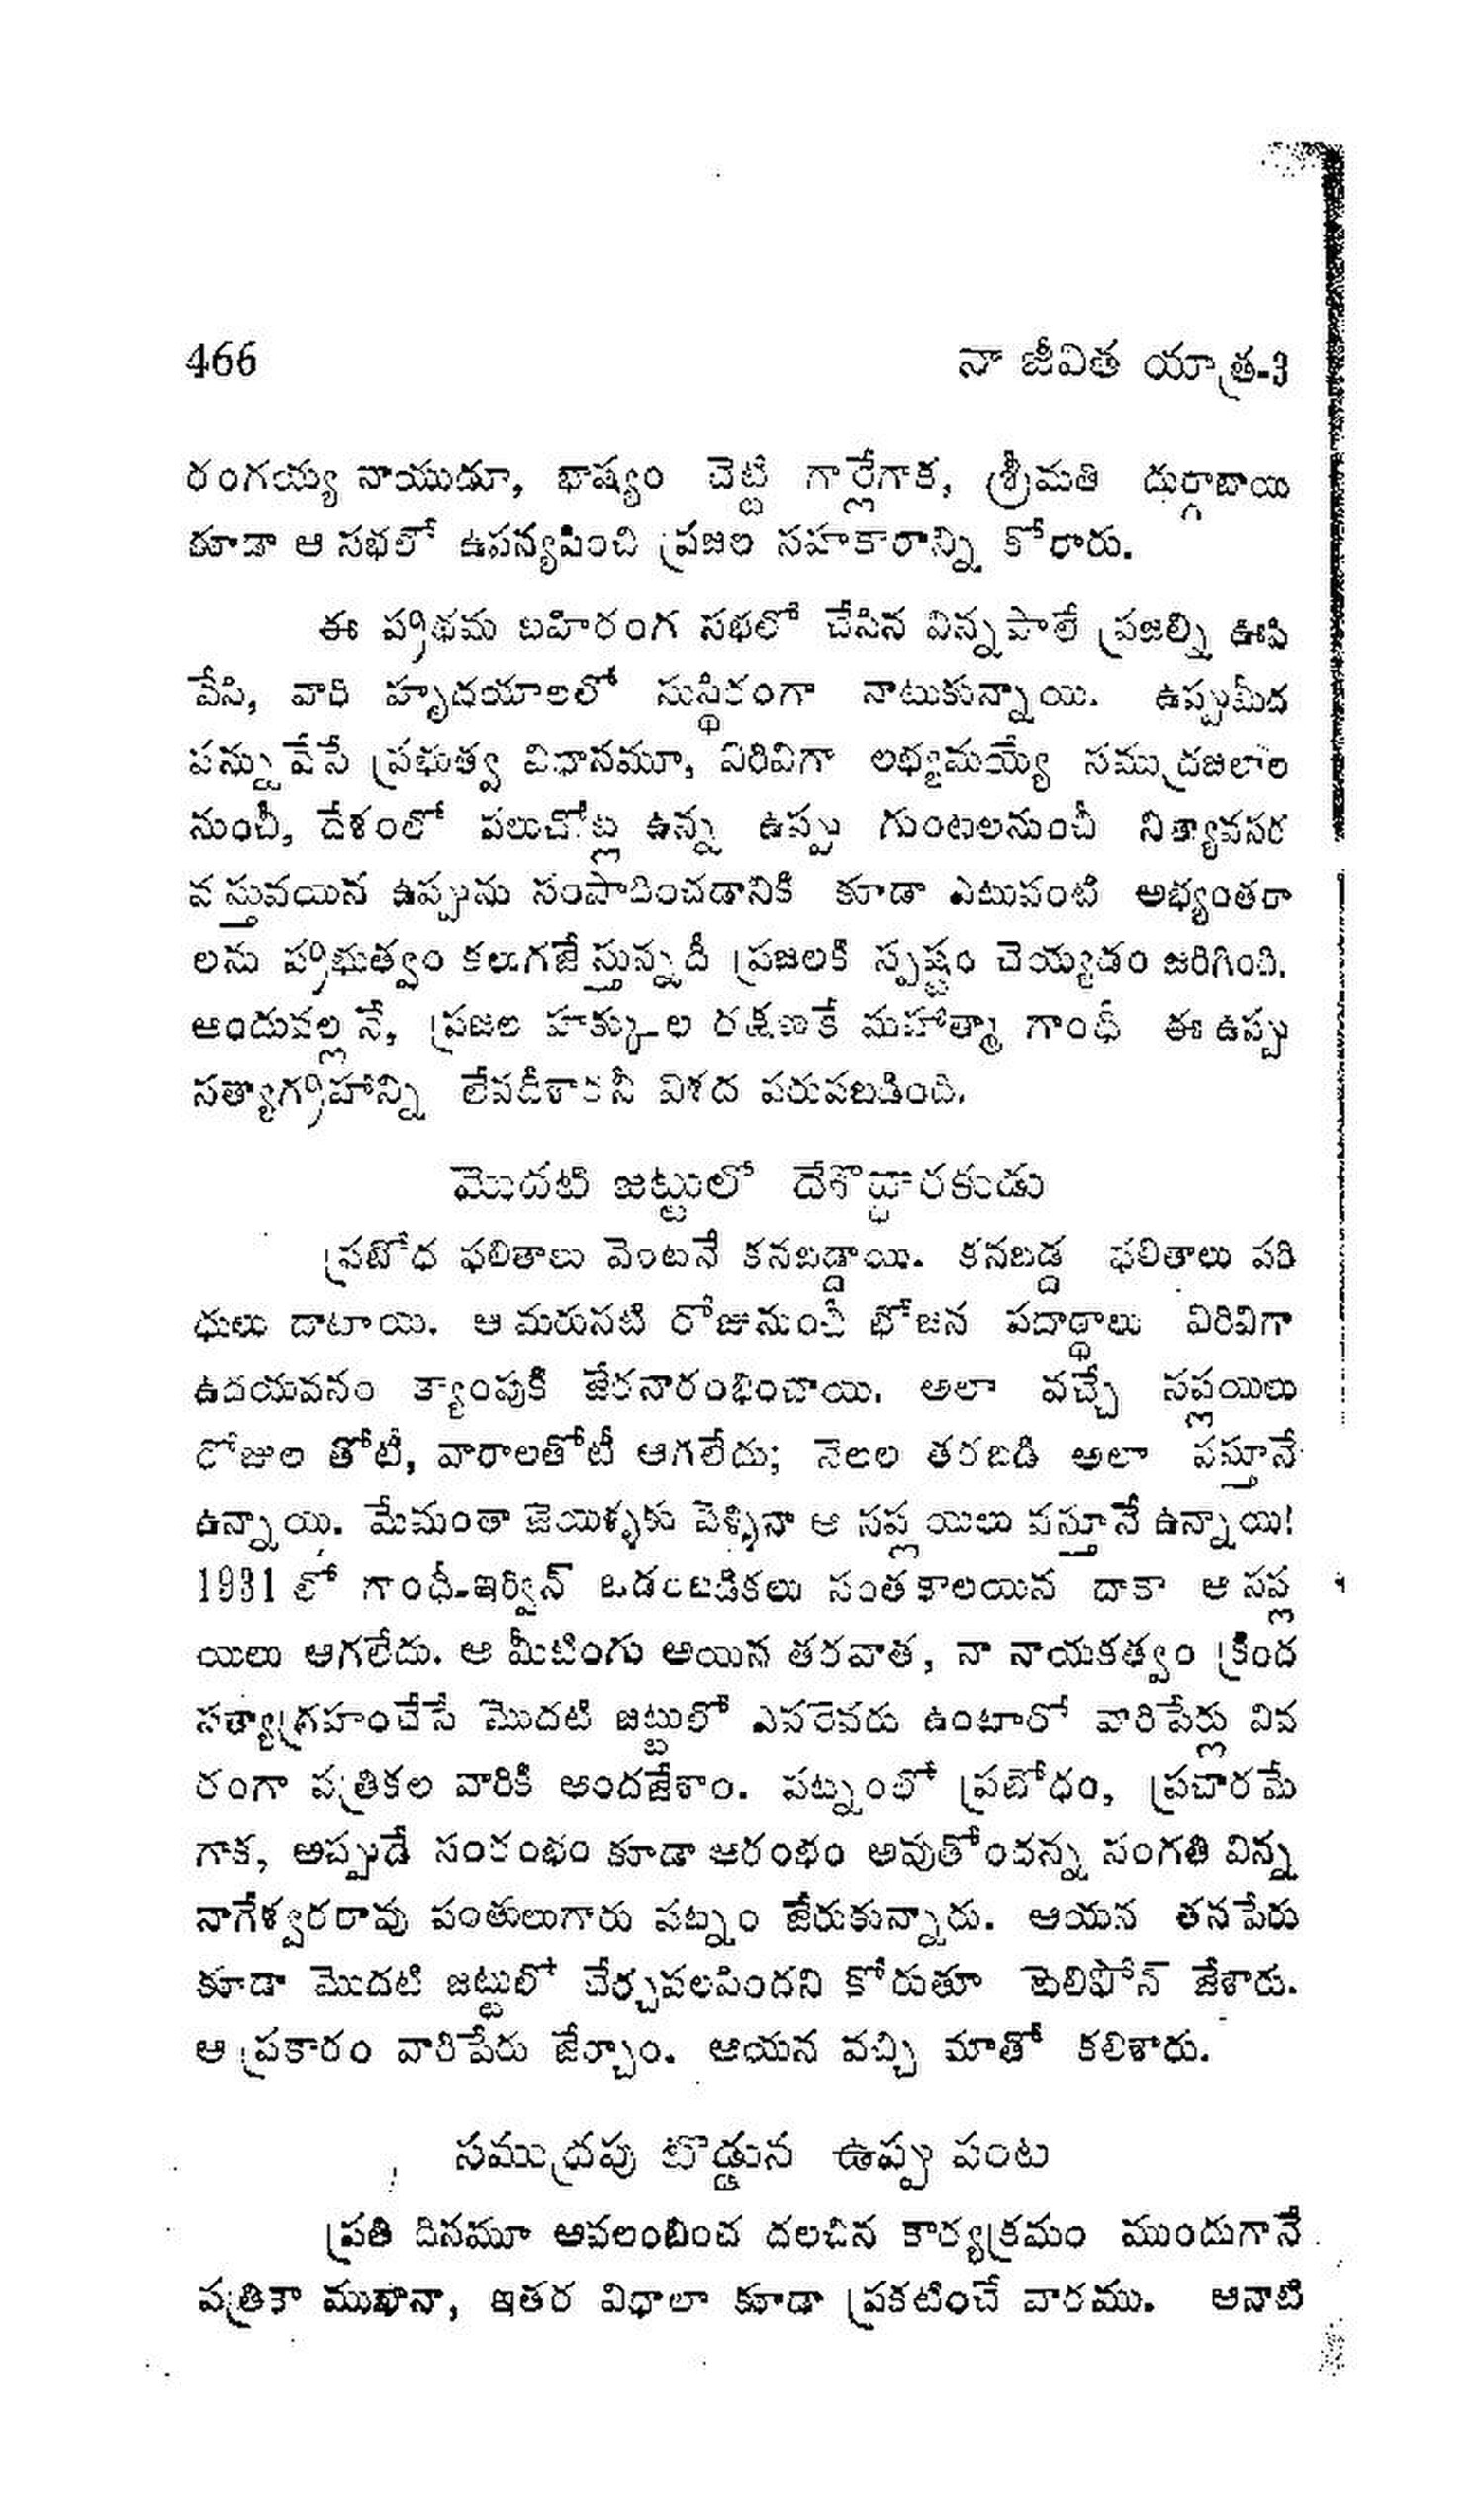రంగయ్య నాయుడూ, భాష్యం చెట్టి గార్లేగాక, శ్రీమతి దుర్గాబాయి కూడా ఆ సభలో ఉపన్యసించి ప్రజల సహకారాన్ని కోరారు.

ఈ ప్రథమ బహిరంగ సభలో చేసిన విన్నపాలే ప్రజల్ని ఊపివేసి, వారి హృదయాలలో సుస్థిరంగా నాటుకున్నాయి. ఉప్పుమీద పన్నువేసే ప్రభుత్వ విధానమూ, విరివిగా లభ్యమయ్యే సముద్రజలాల నుంచీ, దేశంలో పలుచోట్ల ఉన్న ఉప్పు గుంటలనుంచీ నిత్యావసర వస్తువయిన ఉప్పును సంపాదించాడానికి కూడా ఎటువంటి అభ్యంతరాలను ప్రభుత్వం కలుగజేస్తున్నదీ ప్రజలకి స్పష్టం చెయ్యడం జరిగింది. అందువల్లనే, ప్రజల హక్కుల రక్షణకే మహాత్మా గాంధీ ఈ ఉప్పు సత్యాగ్రహాన్ని లేవదీశారనీ విశద పరుపబడింది.

ప్రబోధ ఫలితాలు వెంటనే కనబడ్డాయి. కనబడ్డ ఫలితాలు పరిధులు దాటాయి. ఆ మరుసటి రోజునుంచీ భోజన పదార్థాలు విరివిగా ఉదయవనం క్యాంపుకి జేరనారంభించాయి. అలా వచ్చే సప్లయిలు రోజుల తోటీ, వారాలతోటీ ఆగలేదు; నెలల తరబడి అలా వస్తూనే ఉన్నాయి. మేమంతా జెయిళ్ళకు వెళ్ళినా ఆ సప్లయి వస్తూనే ఉన్నాయి! 1931 లో గాంధీ - ఇర్విన్ ఒడంబడికలు సంతకాలయిన దాకా ఆ సప్లయిలు ఆగలేదు. ఆ మీటింగు అయిన తరవాత, నా నాయకత్వం క్రింద సత్యాగ్రహంచేసే మొదటి జట్టులో ఎవరెవరు ఉంటారో వారిపేర్లు వివరంగా పత్రికల వారికి అందజేశాం. పట్నంలో ప్రబోధం , ప్రచారమే గాక, అప్పుడే సంరంభం కూడా ఆరంభం అవుతోందన్న సంగతి విన్న నాగేశ్వరరావు పంతులుగారు పట్నం జేరుకున్నారు. ఆయన తనపేరు కూడా మొదటి జట్టులో చేర్చవలసిందని కోరుతూ టెలిఫోన్ జేశారు. అ ప్రకారం వారిపేరు జేర్చాం. ఆయన వచ్చి మాతో కలిశారు.

ప్రతి దినమూ అవలంభించ దలచిన కార్యక్రమం ముందుగానే పత్రికా ముఖానా, ఇతర విధాలా కూడా ప్రకటించే వారము. ఆనాటి